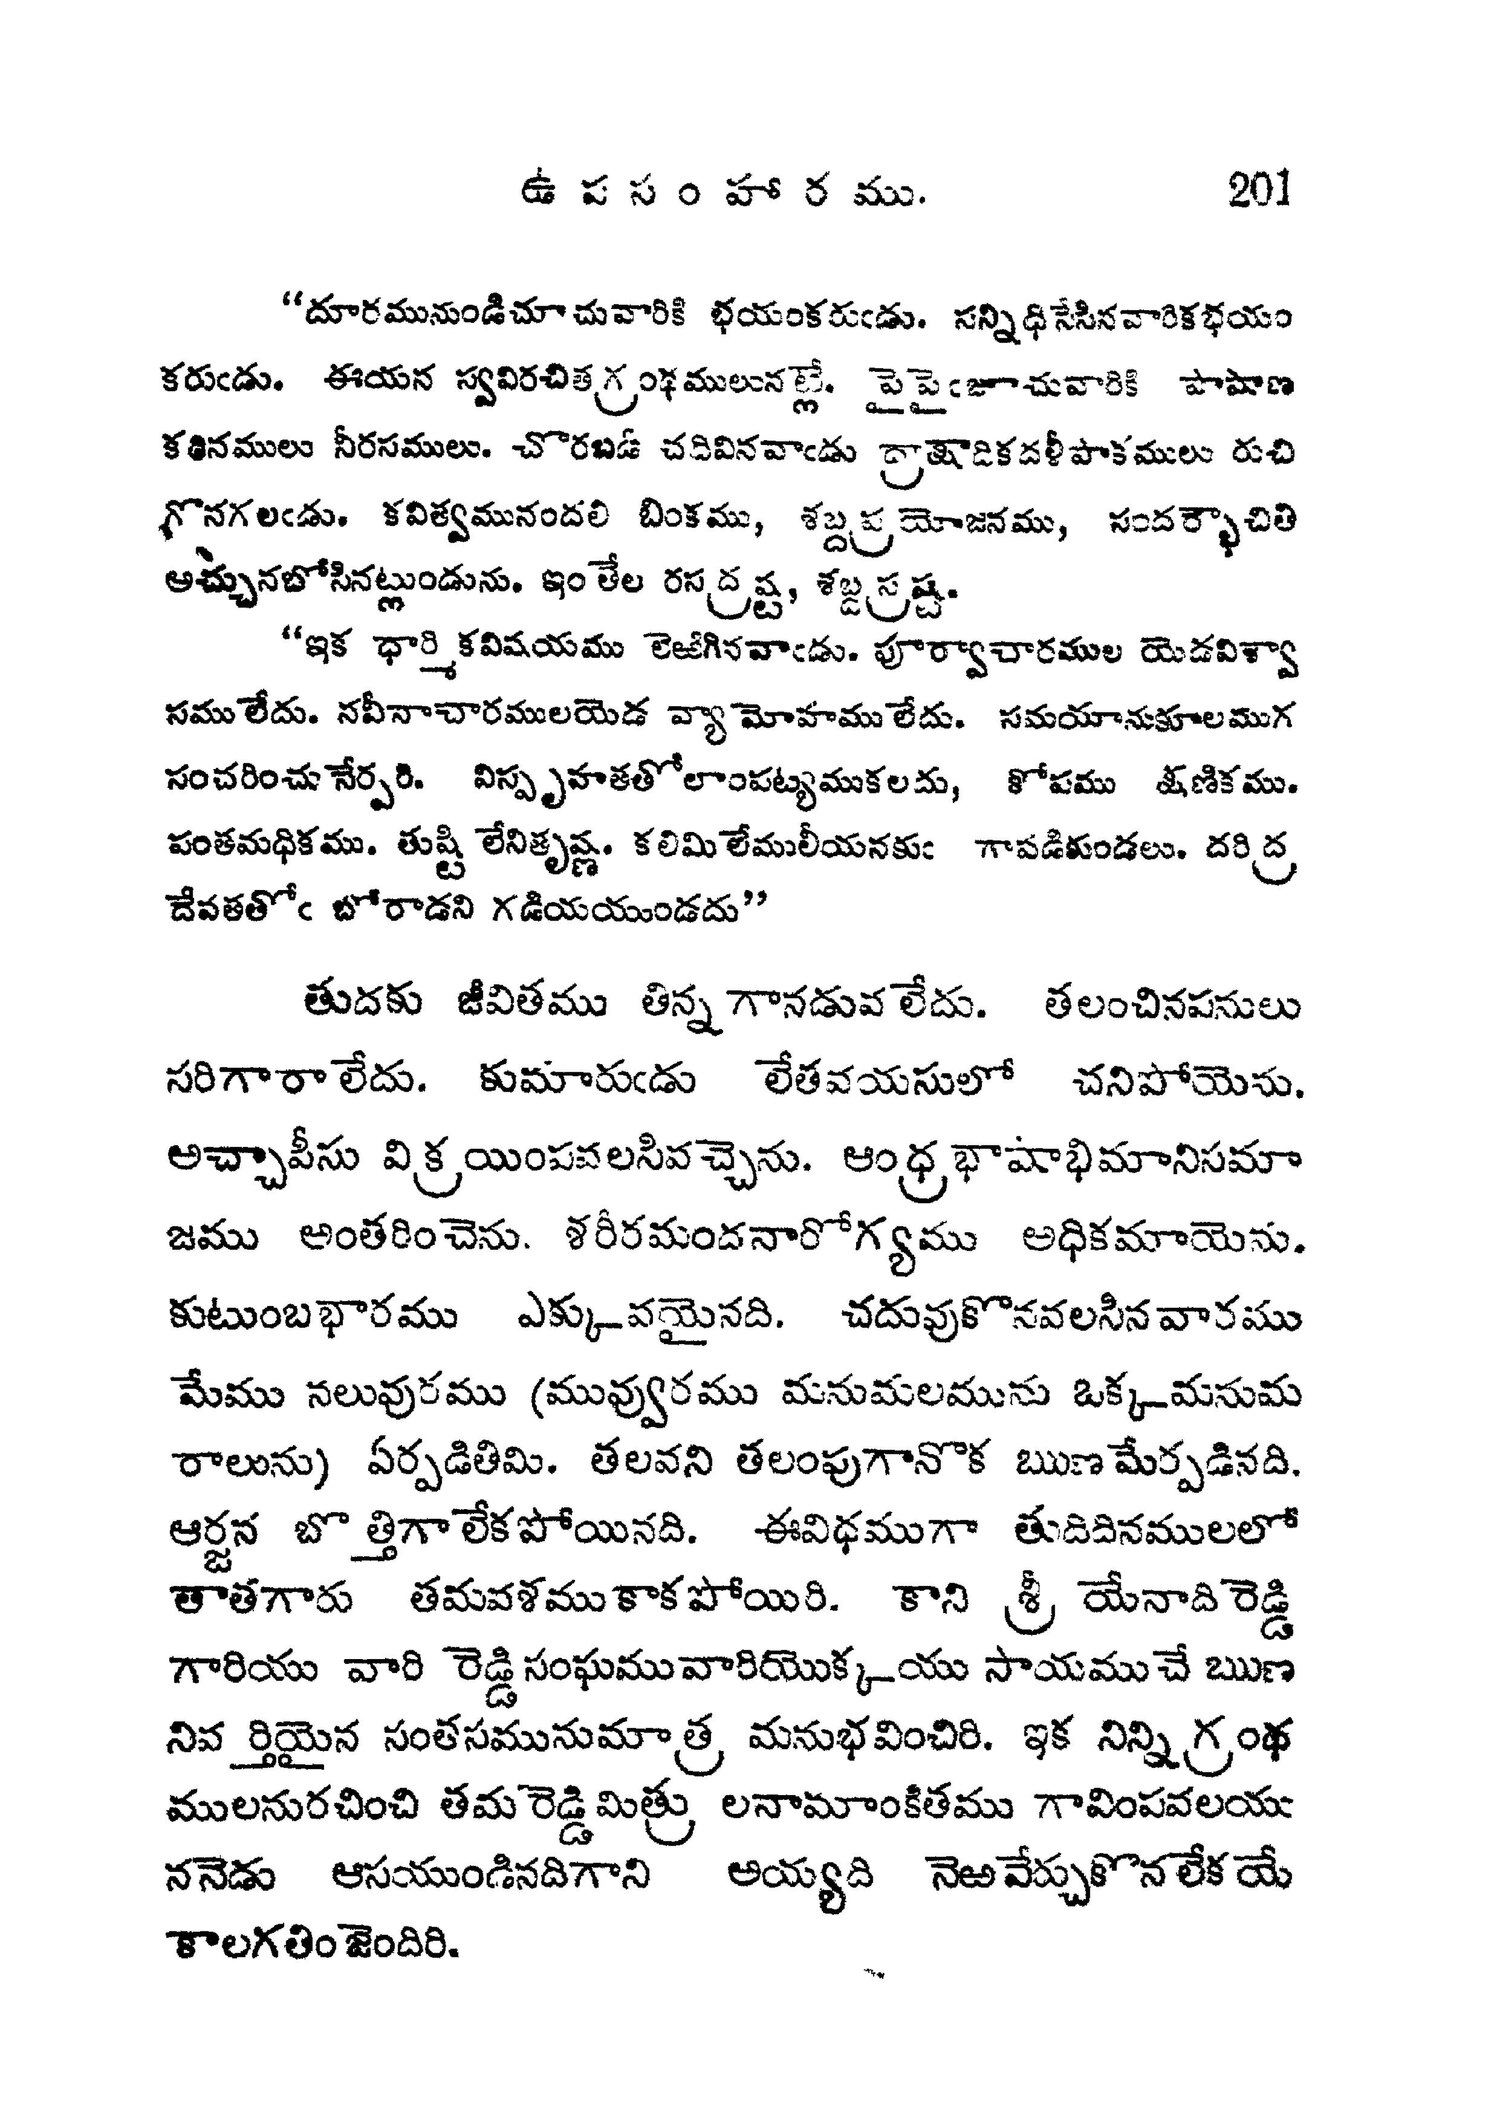"దూరమునుండిచూచువారికి భయంకరుడు. సన్నిధిసేసినవారికభయంకరుడు. ఈయన స్వవిరచితగ్రంథములునట్లే. పైపైజూచువారికి పాషాణ కఠినములు నీరసములు. చొరబడి చదివినవాడు ద్రాక్షాదికదళీపాకములు రుచిగొనగలడు. కవిత్వమునందలి బింకము, శబ్దప్రయోజనము, సందర్భౌచితి అచ్చునబోసినట్లుండును. ఇంతేల రసదృష్ట, శబ్దస్రష్ట.

"ఇక ధార్మికవిషయము లెఱిగినవాడు. పూర్వాచారముల యెడవిశ్వాసములేదు. నవీనాచారములయెడ వ్యామోహములేదు. సమయానుకూలముగ సంచరించునేర్పరి. విస్పృహతతో లాంపట్యము కలదు, కోపము క్షణికము. పంతమధికము. తుష్టి లేనితృష్ణ. కలిమిలేములీయనకు గావడికుండలు. దరిద్ర దేవతతో బోరాడని గడియయుండదు."

తుదకు జీవితము తిన్నగానడువలేదు. తలంచినపనులు సరిగారాలేదు. కుమారుడు లేతవయసులో చనిపోయెను. అచ్చాపీసు విక్రయింప వలసివచ్చెను. ఆంధ్రభాషాభిమాని సమాజము అంతరించెను. శరీరమందనారోగ్యము అధికమాయెను. కుటుంబ భారము ఎక్కువయైనది. చదువుకొనవలసిన వారము మేము నలువురము (మువ్వురము మనుమలమును ఒక్కమనుమరాలును) ఏర్పడితిమి. తలవని తలంపుగానొక ఋణమేర్పడినది. ఆర్జన బొత్తిగాలేక పోయినది. ఈవిధముగా తుదిదినములలో తాతగారు తమవశము కాకపోయిరి. కాని శ్రీ యేనాదిరెడ్డి గారియు వారి రెడ్డిసంఘము వారియొక్కయు సాయముచే ఋణ నివర్తియైన సంతసమునుమాత్ర మనుభవించిరి. ఇక నిన్ని గ్రంథములనురచించి తమరెడ్డిమిత్రు లనామాంకితము గావింపవలయుననెడు ఆసయుండినదిగాని అయ్యది నెఱవేర్చుకొనలేకయే కాలగతింజెందిరి.